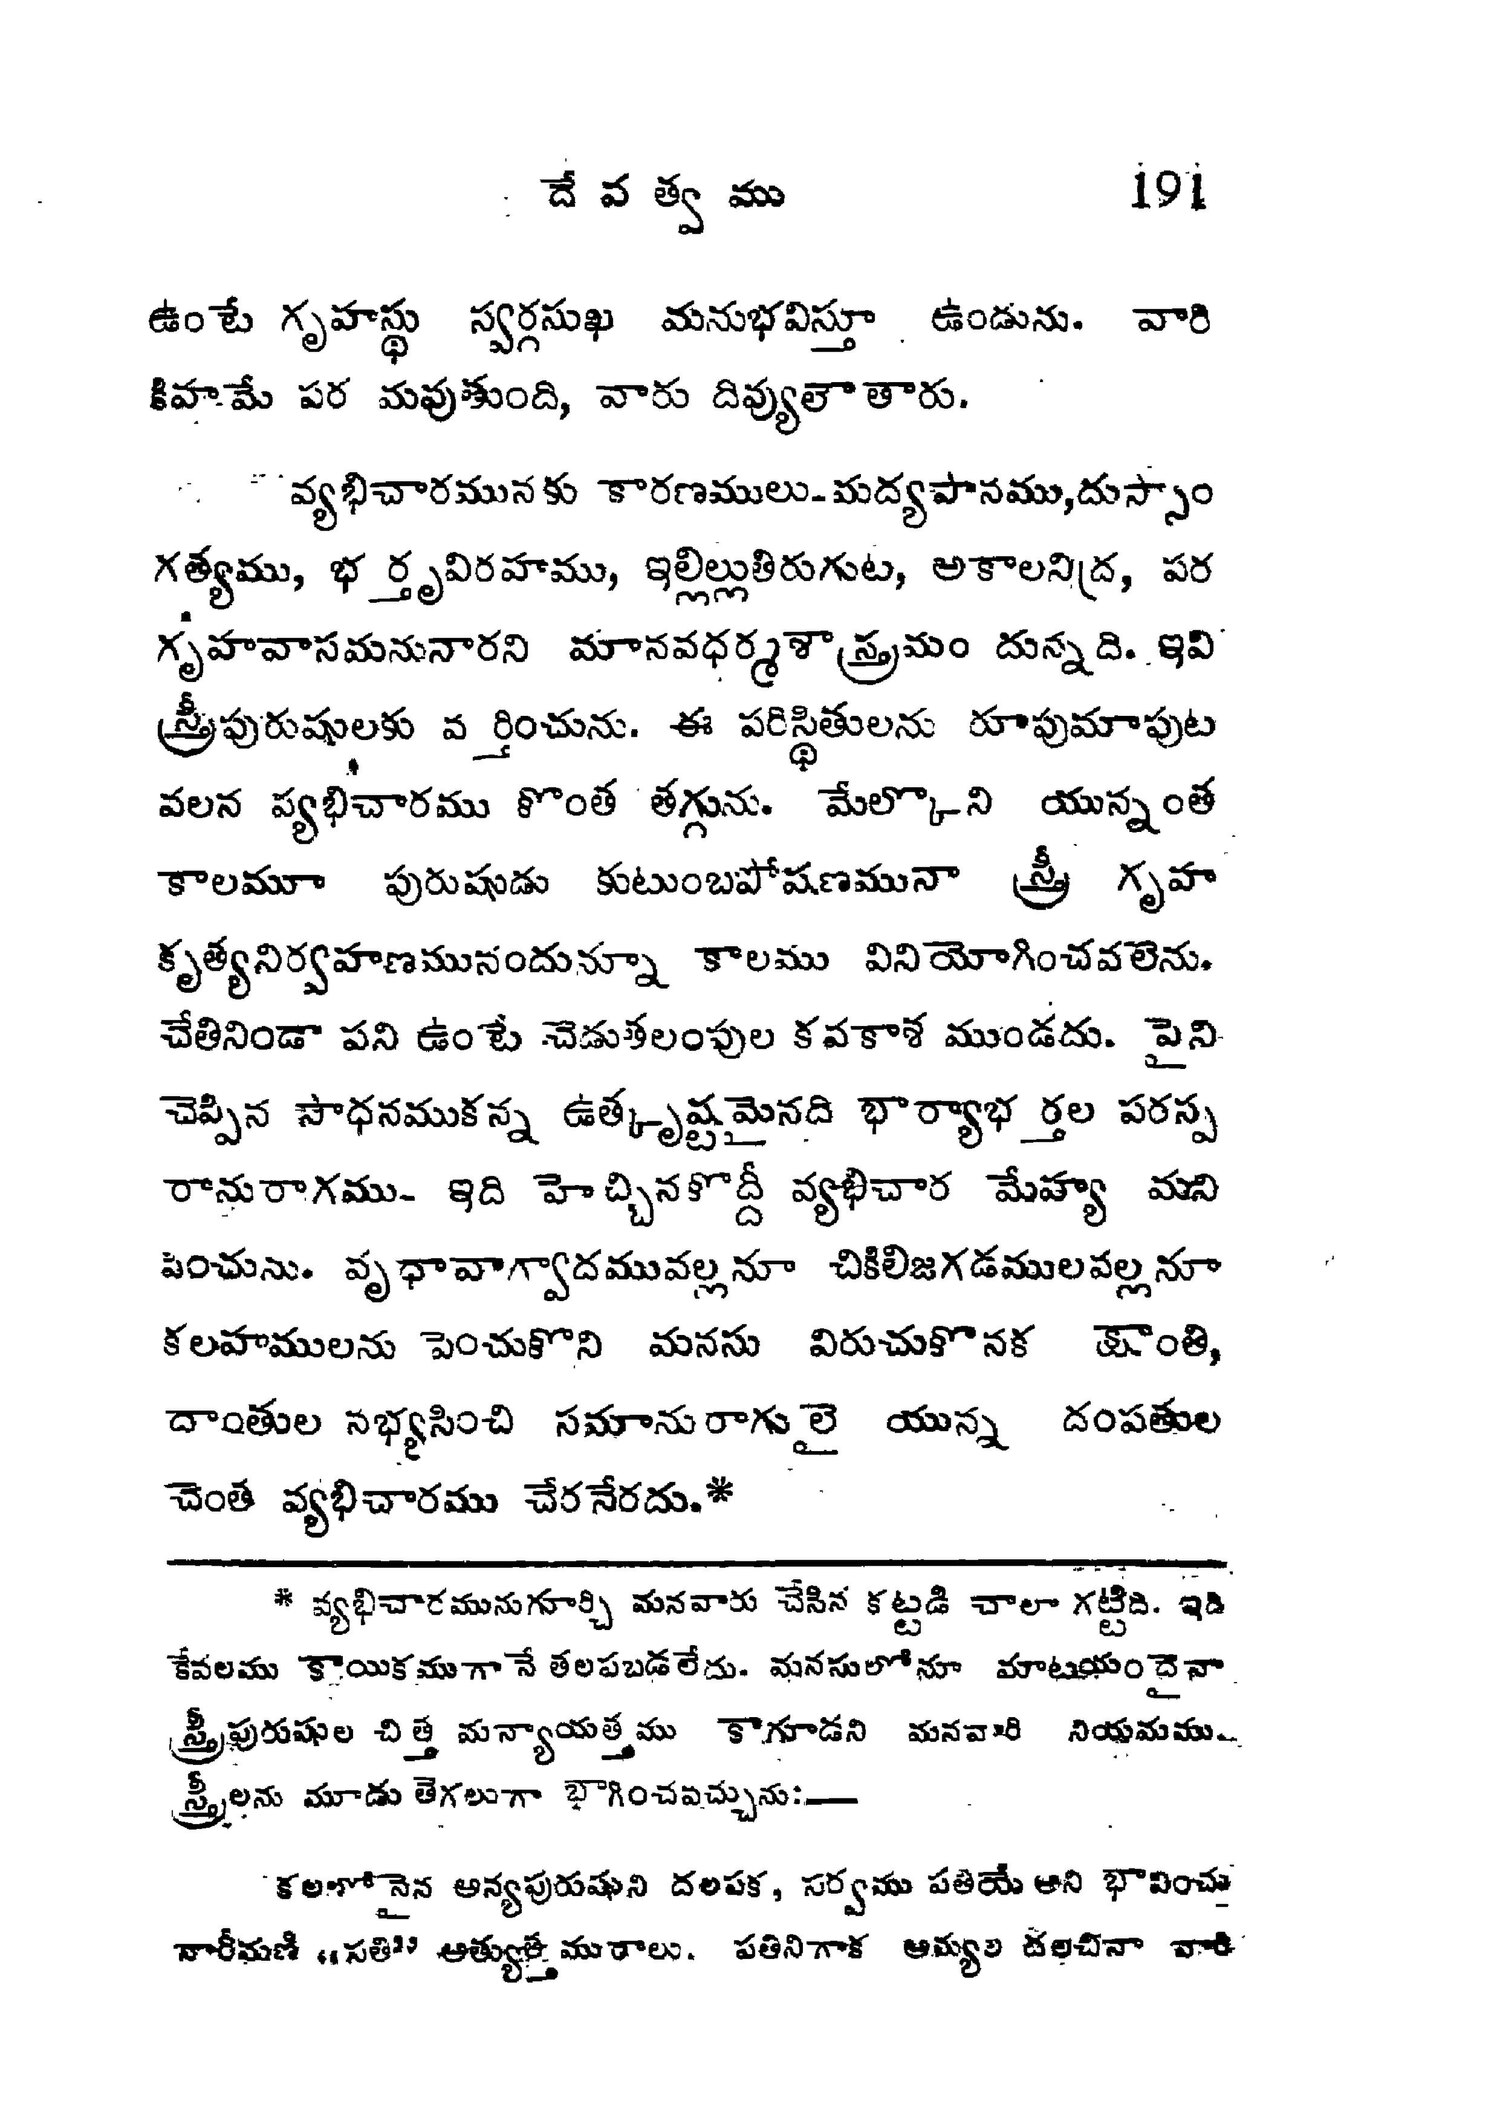ఉంటే గృహస్థు స్వర్గసుఖ మనుభవిస్తూ ఉండును. వారి కిహమే పర మవుతుంది, వారు దివ్యులౌతారు.

వ్యభిచారమునకు కారణములు-మద్యపానము, దుస్సాంగత్యము, భర్తృవిరహము, ఇల్లిల్లుతిరుగుట, అకాలనిద్ర, పరగృహవాసమనునారని మానవధర్మశాస్త్రమం దున్నది. ఇవి స్త్రీపురుషులకు వర్తించును. ఈ పరిస్థితులను రూపుమాపుట వలన వ్యభిచారము కొంత తగ్గును. మేల్కొని యున్నంతకాలమూ పురుషుడు కుటుంబపోషణమునా స్త్రీ గృహకృత్యనిర్వహణమునందున్నూ కాలము వినియోగించవలెను. చేతినిండా పని ఉంటే చెడుతలంపుల కవకాశ ముండదు. పైని చెప్పిన సాధనముకన్న ఉత్కృష్టమైనది భార్యాభర్తల పరస్పరానురాగము. ఇది హెచ్చినకొద్ది వ్యభిచార మేహ్య మనిపించును. వృధావాగ్వాదమువల్లనూ చికిలిజగడములవల్లనూ కలహములను పెంచుకొని మనసు విరుచుకొనక క్షాంతి, దాంతుల నభ్యసించి సమానురాగులై యున్న దంపతుల చెంత వ్యభిచారము చేరనేరదు.*